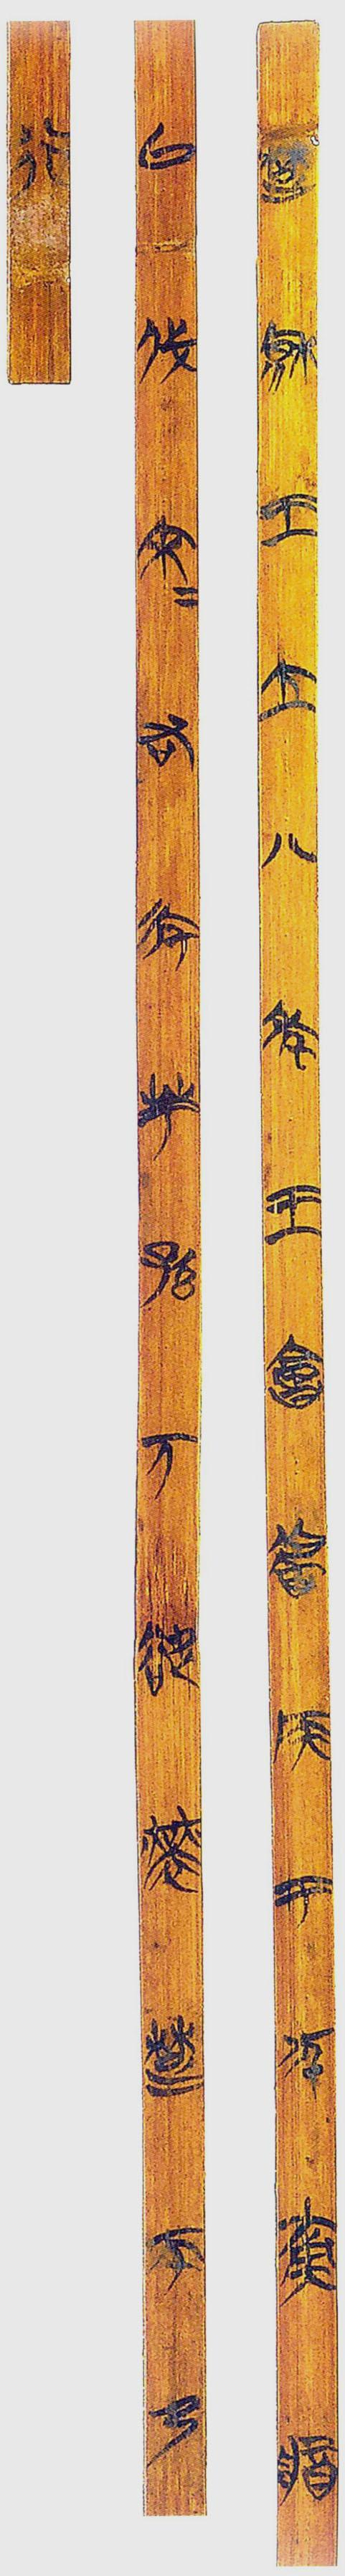楚穆王立八年王會者侯于犮○𨟻㠯（以）伐宋=右帀芋孫兀欲{炎衣}楚帀乃行
